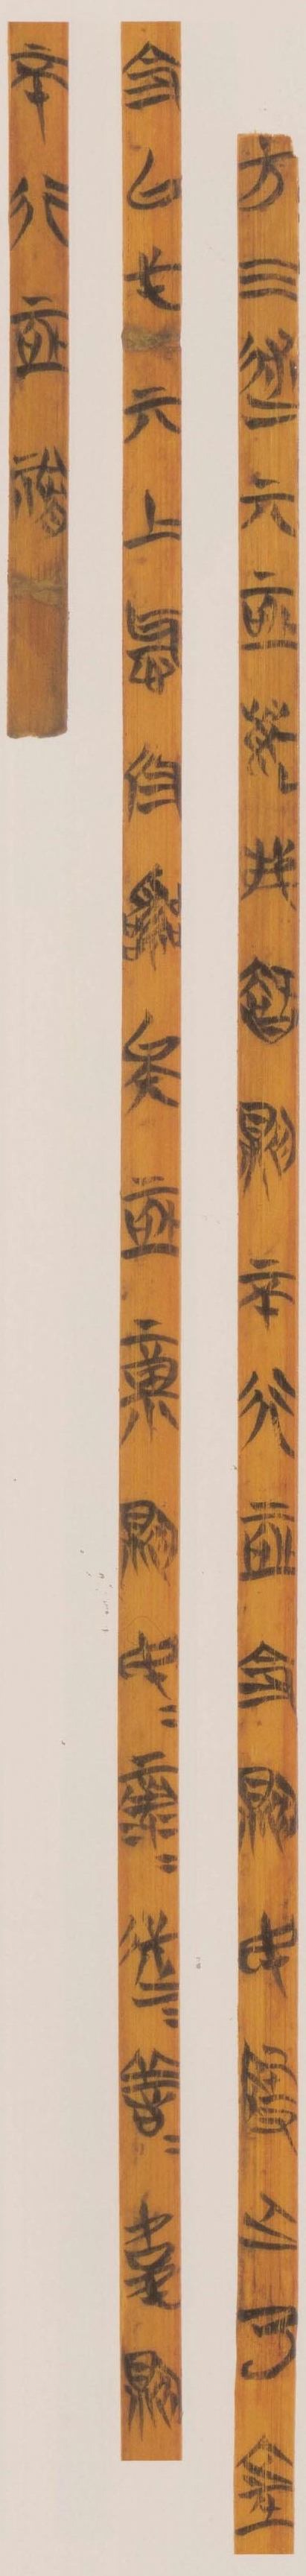方三述亓亟{鼠一}弗智則不行亟命則民{隓又}乏乃{宀㞷}命㠯（以）弋亓上怠於{𤔔㗊}矣亟福則民=彔=迀=善=韋則不行亟禍
